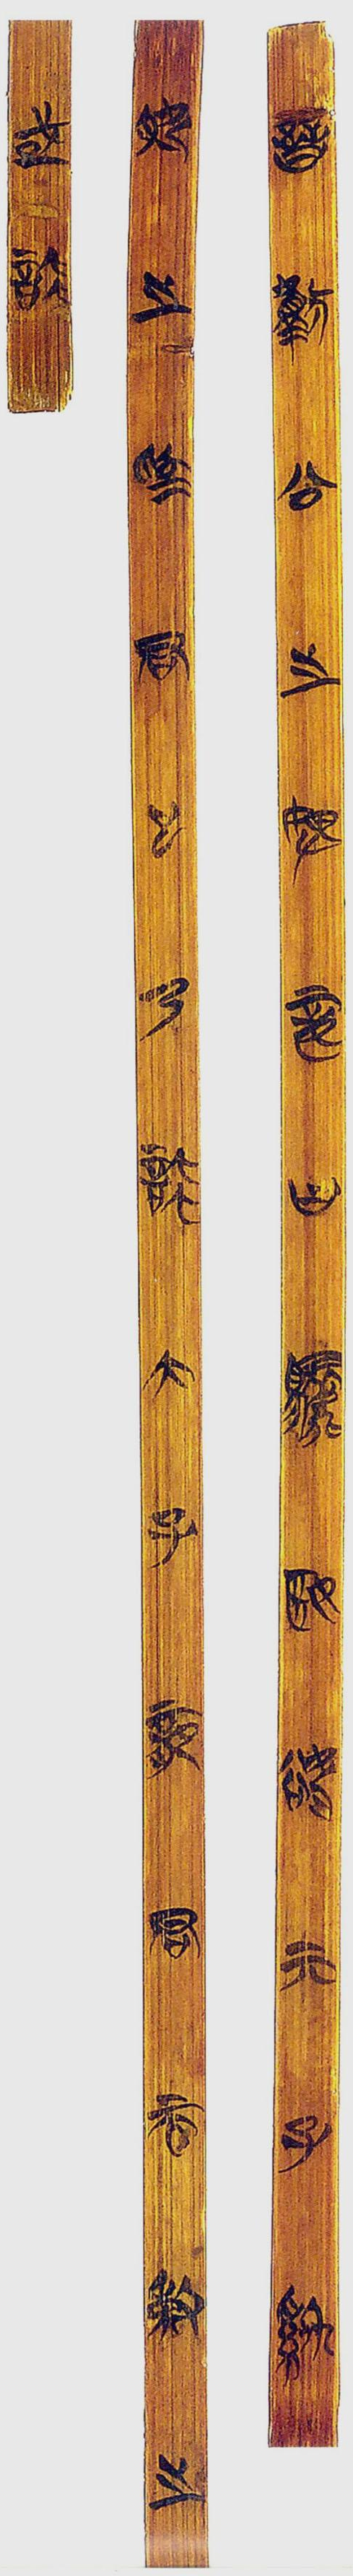晉獻公之婢妾曰驪姬欲亓子{奚人九}{次肉}之爲君也乃{言䖵}大子龍君而殺之或{言䖵}
